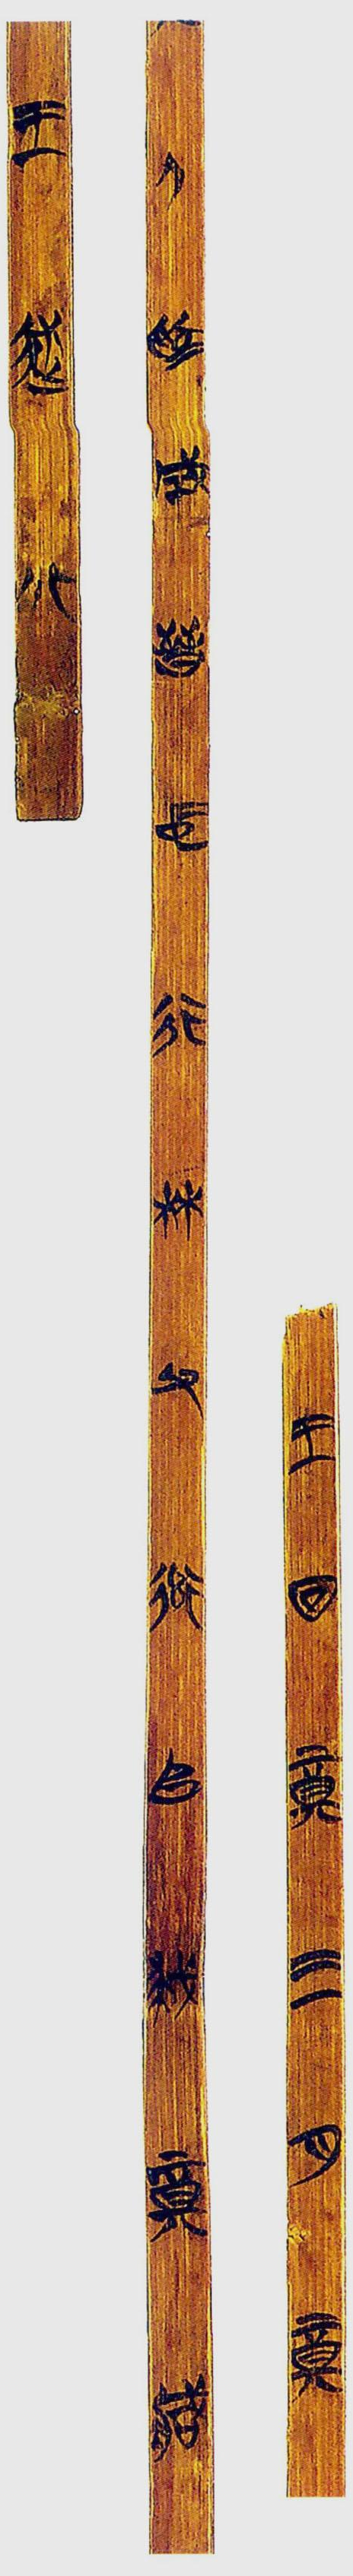王回奠三月奠人爲成晉𠁩行林父率𠂤{求戈}奠戕（莊）王述北
